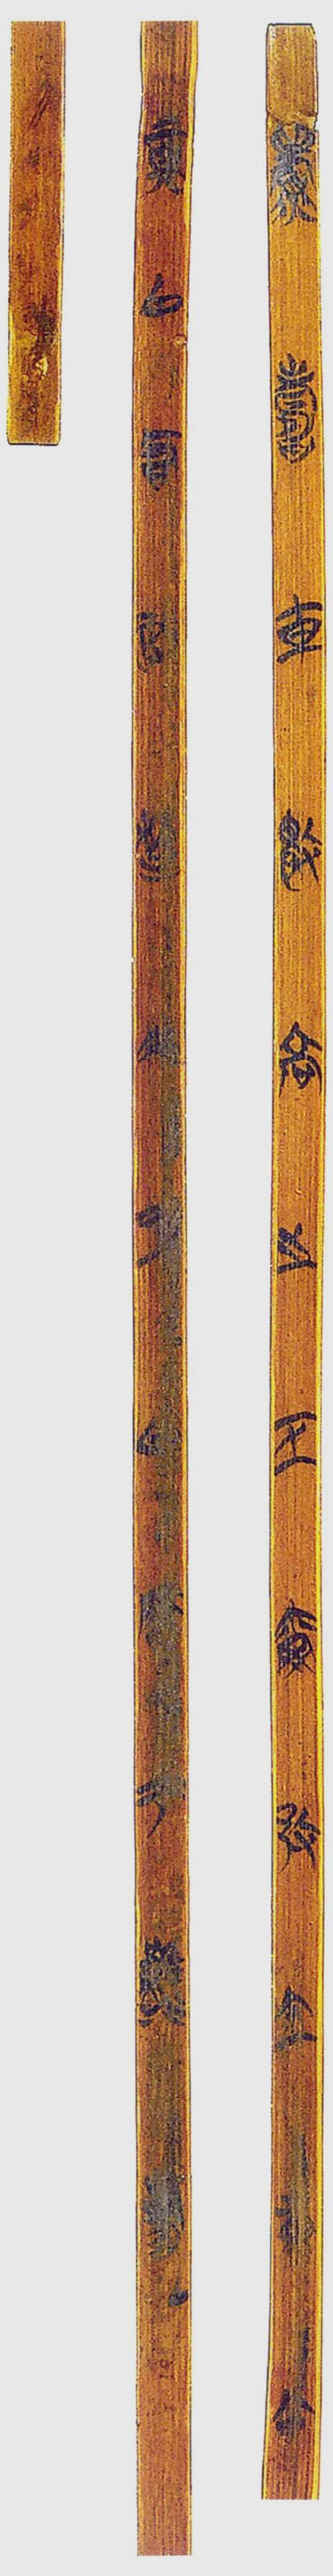{興頁分}壽車{睘攴}高之巨爾改立{木𦥑}公奠㠯（以）{㠯ㅋ}政楚文王㠯（以）啟于灘{㫃昜}
